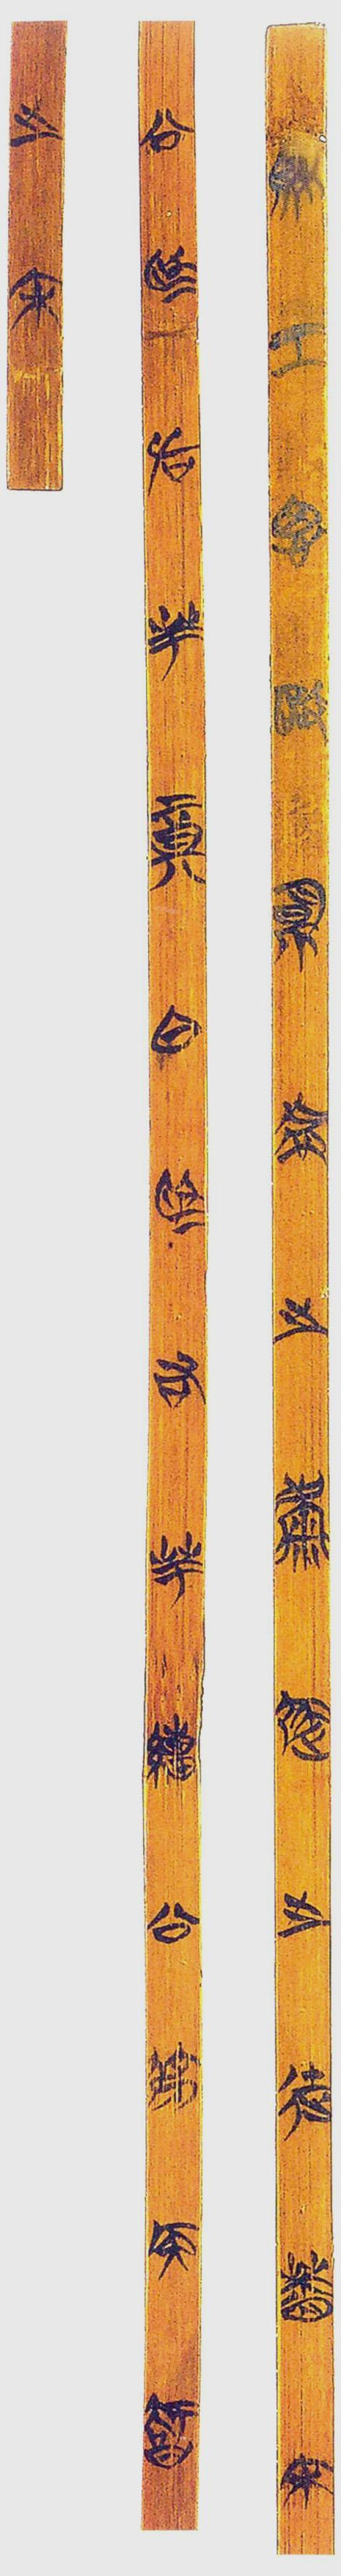穆王思毆{明示}者之麋{尾少止}之徒{艹㐭}宋公爲左芋奠白爲右芋{糸東田}公叔侯智之宋
